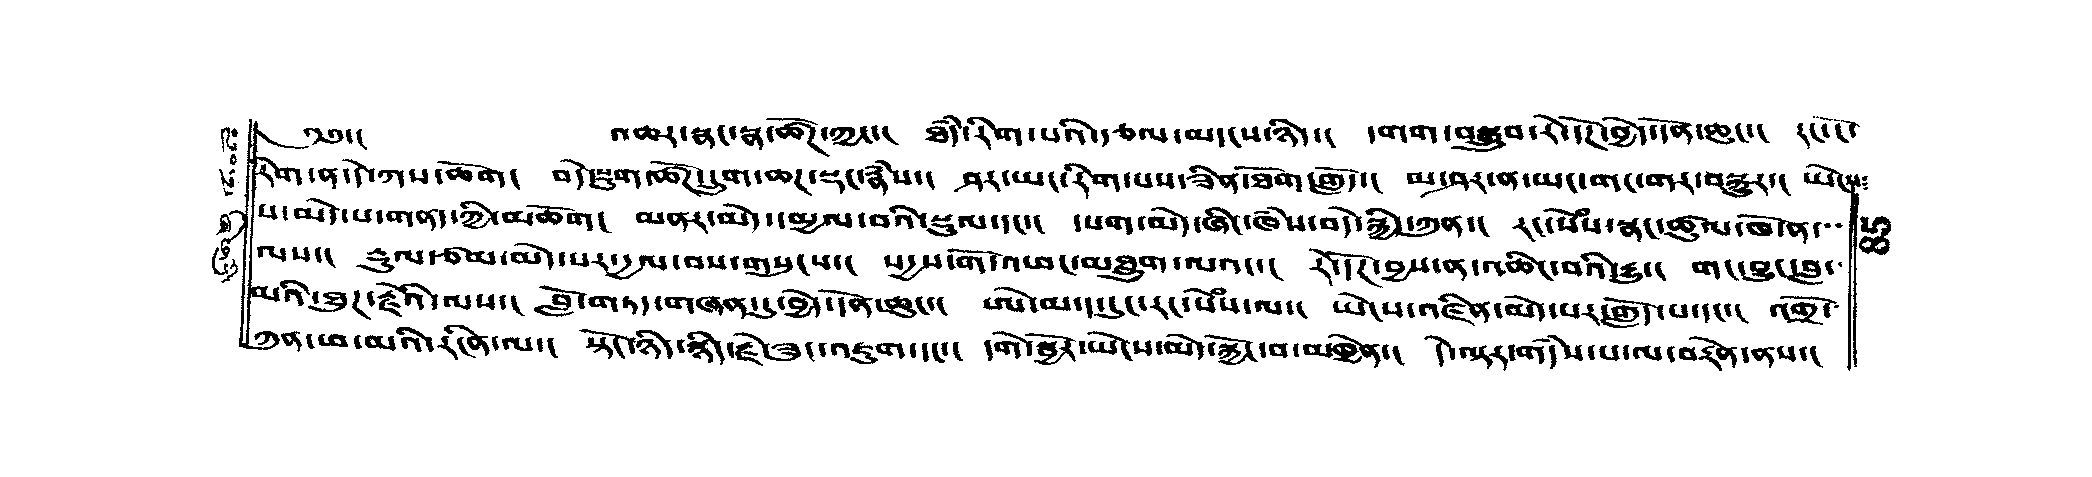འཆར་སྣང་སྣ་ཚོགས་ཀྱང་། །ཐམས་ཅད་རིག་པའི་རྩལ་མདངས་ཉིད། །དགག་བསྒྲུབ་རེ་དོགས་བྱེད་དོན་ཆུང་། །རང་ངོ་
རིག་ན་དེ་ཀས་ཆོག།བདེ་སྡུག་ཚོགས་དྲུག་ཆགས་སྡང་རྣམས། །ཤར་ཡང་རིག་པས་ཟིན་ཐོག་གློད། །མ་ཤར་ན་ཡང་གང་གར་བསྐྱུར། །ཡེངས་
པ་མེད་པ་གནད་ཀྱི་མཆོག། །མནར་མེད་དམྱལ་བའི་སྡུག་བསྔལ་དང་། །དཔག་མེད་ཞིང་ཁམས་བདེ་སྐྱིད་ཀུན། །རང་སེམས་སྣང་ཚུལ་ཁོ་ན་
ལས། །རྡུལ་ཙམ་མེད་པར་རྒྱལ་བས་གསུངས། །སངས་རྒྱས་གོ་འཕང་མཐར་ཐུག་ལའང་། །རེ་དོགས་བྱས་ན་འཆིང་བའི་རྒྱུ། །གང་བྱུང་བླ་
མའི་ཐུགས་རྗེའི་ལས། །བློ་གཏད་གཞན་དུ་བྱེད་དོན་ཆུང་། །ཨེ་མ་ད་དུང་རང་སེམས་ལ། །ཡེངས་འཛིན་མེད་པར་གློད་པ་དང་། །འགྲོ་
ཀུན་ཕ་མའི་རང་བཞིན་ལ། །སྟོང་ཉིད་སྙིངརྗེའི་ཟུང་འཇུག་དང་། །དགེ་སྦྱོར་ཡེངས་མེད་སྐྱོང་བ་མཁྱེན། །དེ་ལྟར་གདམས་པ་ལ་བརྟེན་ནས། །